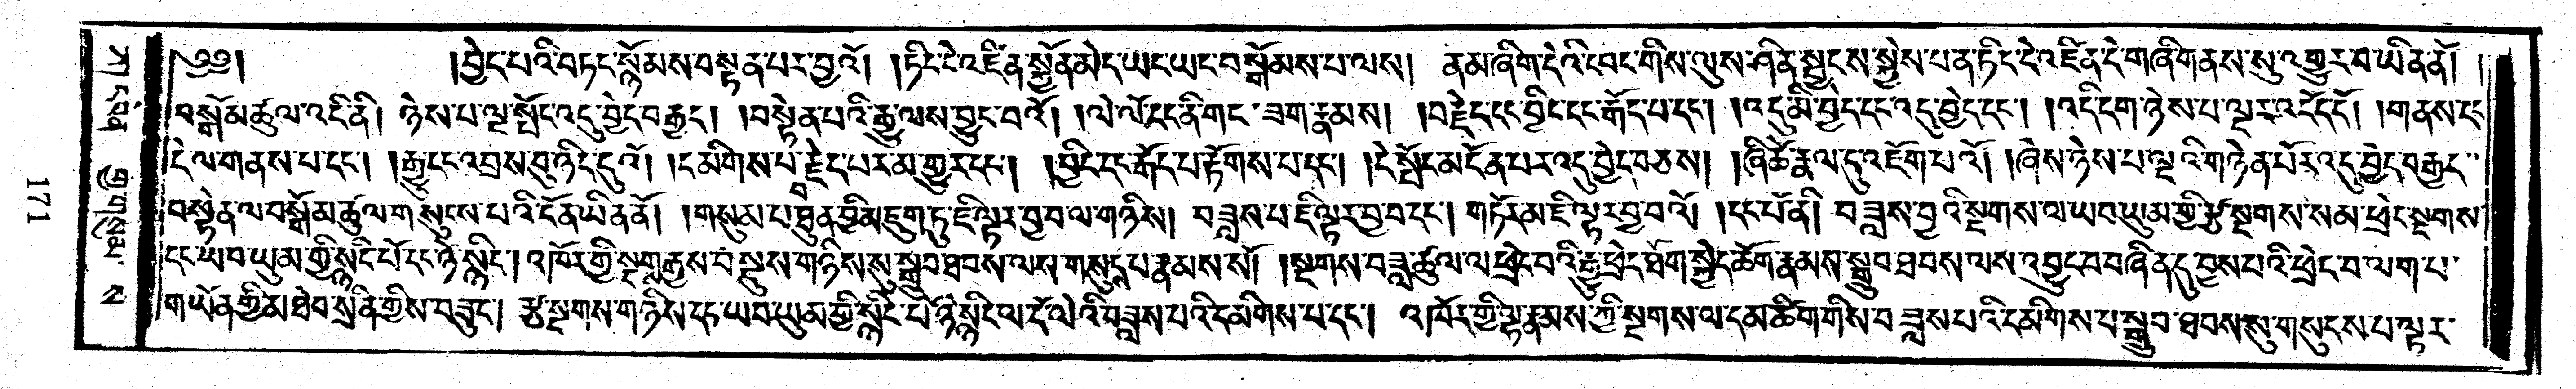༄༅། །བྱེད་པའི་བཏང་སྙོམས་བསྟན་པར་བྱའོ། །ཏིང་ངེ་འཛིན་སྐྱོན་མེད་ཡང་ཡང་བསྒོམས་པ་ལས། ནམ་ཞིག་དེའི་དབང་གིས་ལུས་ཤིན་སྦྱངས་སྐྱེས་པ་ན་ཏིང་ངེ་འཛིན་དེ་གཞི་གནས་སུ་འགྱུར་བ་ཡིན་ནོ། །
བསྒོམ་ཚུལ་འདི་ནི། ཉེས་པ་ལྔ་སྤོང་འདུ་བྱེད་བརྒྱད། །བསྟེན་པའི་རྒྱུ་ལས་བྱུང་བའོ། །ལེ་ལོ་དང་ནི་གང་ཟག་རྣམས། །བརྗེད་དང་བྱིང་དང་རྒོད་པ་དང་། །འདུ་མི་བྱེད་དང་འདུ་བྱེད་དང་། །འདི་དག་ཉེས་པ་ལྔར་འདོད་དོ། །གནས་དང་
དེ་ལ་གནས་པ་དང་། །རྒྱུ་དང་འབྲས་བུ་ཉིད་དུའོ། །དམིགས་པ་བརྗེད་པར་མ་གྱུར་དང་། །བྱིང་དང་རྒོད་པ་རྟོགས་པ་དང་། །དེ་སྤོང་མངོན་པར་འདུ་བྱེད་བཅས། །ཞི་ཚེ་རྣལ་དུ་འཇོག་པའོ། །ཞེས་ཉེས་པ་ལྔའི་གཉེན་པོར་འདུ་བྱེད་བརྒྱད་
བསྟེན་ལ་བསྒོམ་ཚུལ་གསུངས་པའི་དོན་ཡིན་ནོ། །གསུམ་པ་ཐུན་བྱི་མཇུག་ཏུ་ཇི་ལྟར་བྱ་བ་ལ་གཉིས། བཟླས་པ་ཇི་ལྟར་བྱ་བ་དང་། གཏོར་མ་ཇི་ལྟར་བྱ་བའོ། །དང་པོ་ནི། བཟླས་བྱའི་སྔགས་ལ་ཡབ་ཡུམ་གྱི་རྩ་སྔགས་སམ་ཕྲེང་སྔགས་
དང་ཡབ་ཡུམ་གྱི་སྙིང་པོ་དང་ཉེ་སྙིང་། འཁོར་གྱི་སྔགས་རྒྱས་བསྡུས་གཉིས་སུ་སྒྲུབ་ཐབས་ལས་གསུངས་པ་རྣམས་སོ། །སྔགས་བཟླ་ཚུལ་ལ་ཕྲེང་བའི་རྒྱུ་ཕྲེང་ཐོག་སྐྱེད་ཆོག་རྣམས་སྒྲུབ་ཐབས་ལས་འབྱུང་བ་བཞིན་དུ་བྱས་པའི་ཕྲེང་བ་ལག་པ་
གཡོན་གྱི་མཐེབ་སྲིན་གྱིས་བཟུང་། རྩ་སྔགས་གཉིས་དང་ཡབ་ཡུམ་གྱི་སྙིང་པོ་ཉེ་སྙིང་ལ་ངོ་ལེའི་བཟླས་པའི་དམིགས་པ་དང་། འཁོར་གྱི་ལྷ་རྣམས་ཀྱི་སྔགས་ལ་དམ་ཚིག་གིས་བཟླས་པའི་དམིགས་པ་སྒྲུབ་ཐབས་སུ་གསུངས་པ་ལྟར་